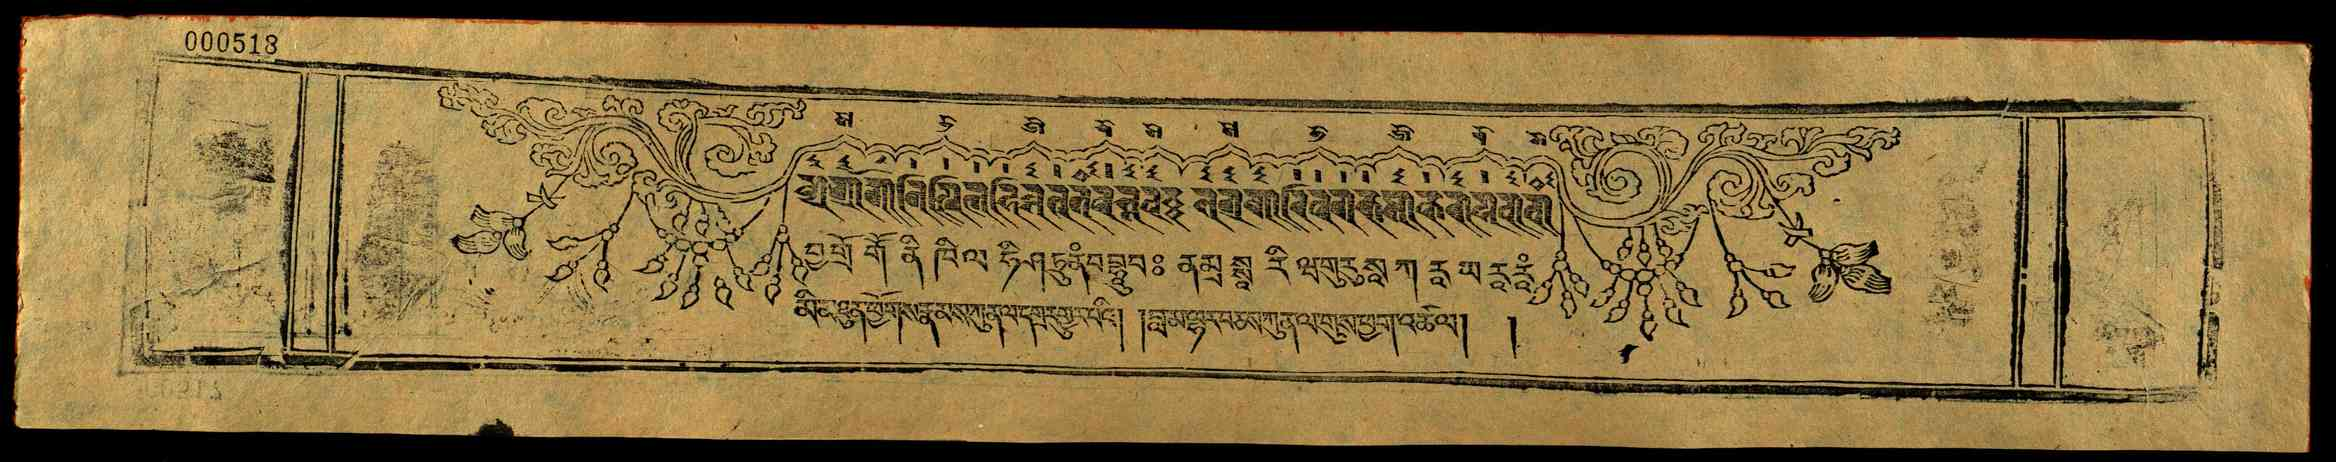ལས
བྱ་གྲོ་གཽ་ནི་ཁི་ལ་ཧི་ཤ་ཏྲུ་ནཾ་བ་བྷཱུ་བཿ ན་མྲ་སྶཱ་རི་ཝ་གུ་རུ་སཱ་ཀ་རཱ་ཡ་དཱ་རཱཾ།
མི་མཐུན་ཕྱོགས་རྣམས་ཀུན་ལ་དགྲར་གྱུར་པའི། །བླ་མ་ལྷར་བཅས་ཀུན་ལ་གུས་ཕྱག་འཚལ། །